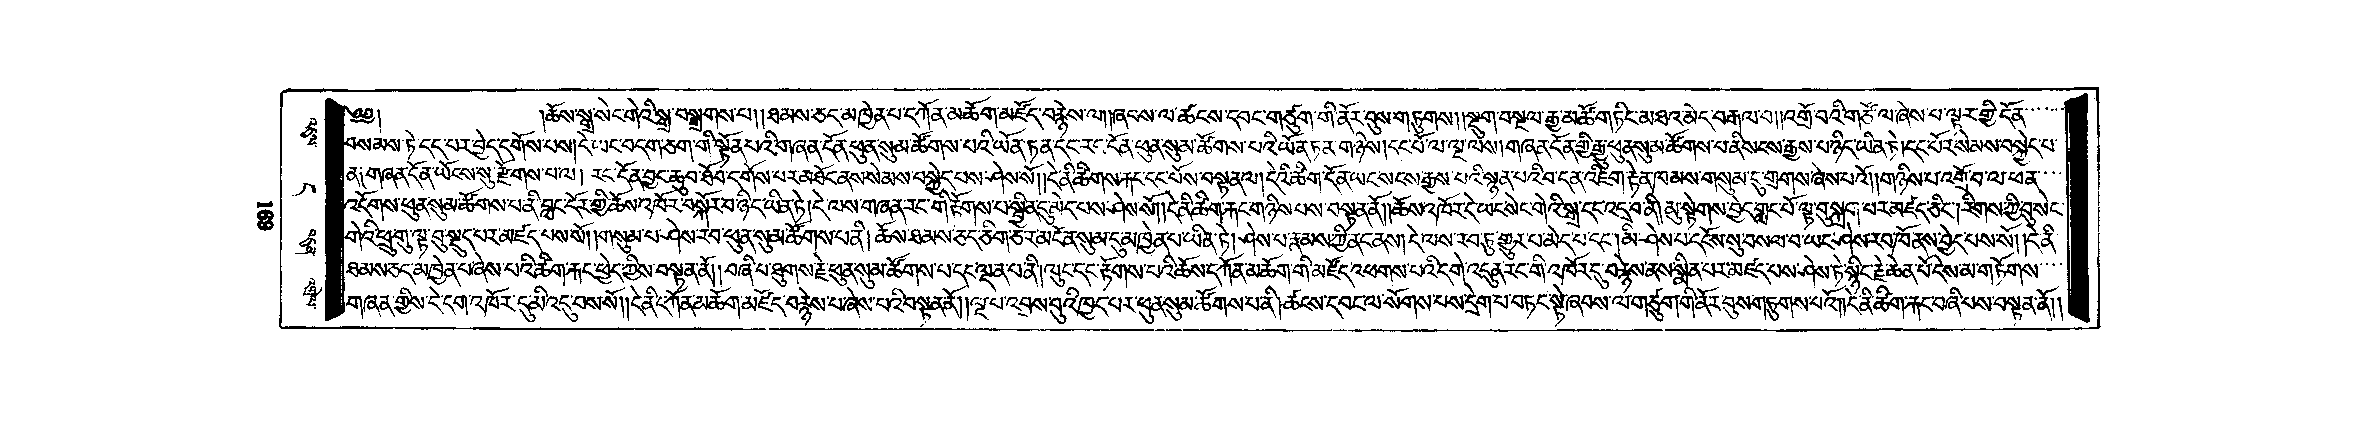༄༅། །ཆོས་སྒྲ་སེང་གེའི་སྒྲ་བསྒྲགས་པ། །ཐམས་ཅད་མཁྱེན་པ་དཀོན་མཆོག་མཛོད་བརྙེས་ལ། །ཞབས་ལ་ཚངས་དབང་གཙུག་གི་ནོར་བུས་གཏུགས། །སྡུག་བསྔལ་རྒྱ་མཚོ་གཏིང་མཐའ་མེད་བརྒལ་བ། །འགྲོ་བའི་གཙོ་ལ་ཞེས་པ་ལྟར་གྱི་དོན་
བསམས་ཏེ་དད་པར་བྱེད་དགོས་པས། དེ་ཡང་བདག་ཅག་གི་སྟོན་པའི་གཞན་དོན་ཕུན་སུམ་ཚོགས་པའི་ཡོན་ཏན་དང་རང་དོན་ཕུན་སུམ་ཚོགས་པའི་ཡོན་ཏན་གཉིས། དང་པོ་ལ་ལྔ་ལས། གཞན་དོན་གྱི་རྒྱུ་ཕུན་སུམ་ཚོགས་པ་ནི་སངས་རྒྱས་པ་ཉིད་ཡིན་ཏེ། དང་པོར་སེམས་བསྐྱེད་པ་
ན། གཞན་དོན་ཡོངས་སུ་རྫོགས་པ་ལ། རང་དོན་བྱང་ཆུབ་ཐོབ་དགོས་པར་མཐོང་ནས་སེམས་བསྐྱེད་པས་ཤེས་སོ། །དེ་ནི་ཚིགས་རྐང་དང་པོས་བསྟན་ལ། དེའི་ཚིག་དོན་ཡང་སངས་རྒྱས་པའི་སྙན་པའི་བ་དན་འཇིག་རྟེན་ཁམས་གསུམ་དུ་གྲགས་ཞེས་པའོ། །གཉིས་པ་འགྲོ་བ་ལ་ཕན་
འདོགས་ཕུན་སུམ་ཚོགས་པ་ནི་བླང་དོར་གྱི་ཆོས་འཁོར་བསྐོར་བ་ཉིད་ཡིན་ཏེ། དེ་ལས་གཞན་རང་གི་རྟོགས་པ་སྦྱིན་དུ་མེད་པས་ཤེས་སོ། །དེ་ནི་ཚིག་རྐང་གཉིས་པས་བསྟན་ནོ། །ཆོས་འཁོར་དེ་ཡང་སེང་གེའི་སྒྲ་དང་འདྲ་བ་ནི། མུ་སྟེགས་བྱེད་གླང་པོ་ལྟ་བུ་སྐྲག་པར་མཛད་ཅིང་། རིགས་ཀྱི་བུ་སེང་
གེའི་ཕྲུ་གུ་ལྟ་བུ་སྡུད་པར་མཛད་པས་སོ། །གསུམ་པ་ཤེས་རབ་ཕུན་སུམ་ཚོགས་པ་ནི། ཆོས་ཐམས་ཅད་ཅིག་ཅར་མངོན་སུམ་དུ་མཁྱེན་པ་ཡིན་ཏེ། ཤེས་པ་རྣམས་ཀྱི་ནང་ནས། དེ་ལས་རབ་ཏུ་གྱུར་པ་མེད་པ་དང་། མི་ཤེས་པ་དངོས་སུ་བསལ་བ་ཡང་ཤེས་རབ་ཁོ་ནས་བྱེད་པས་སོ། །དེ་ནི་
ཐམས་ཅད་མཁྱེན་པ་ཞེས་པའི་ཚིག་རྐང་ཕྱེད་ཀྱིས་བསྟན་ནོ། །བཞི་པ་ཐུགས་རྗེ་ཕུན་སུམ་ཚོགས་པ་དང་ལྡན་པ་ནི། ལུང་དང་རྟོགས་པའི་ཆོས་དཀོན་མཆོག་གི་མཛོད་འཕགས་པའི་དགེ་འདུན་རང་གི་འཁོར་དུ་བརྙེས་ནས་སྨིན་པར་མཛད་པས་ཤེས་ཏེ་སྙིང་རྗེ་ཆེན་པོ་དེས་མ་གཏོགས་
གཞན་གྱིས་དེ་དག་འཁོར་དུ་མི་འདུ་བས་སོ། །དེ་ནི་དཀོན་མཆོག་མཛོད་བརྙེས་པ་ཞེས་པའི་བསྟན་ནོ། །ལྔ་པ་འབྲས་བུའི་ཁྱད་པར་ཕུན་སུམ་ཚོགས་པ་ནི། ཚངས་དབང་ལ་སོགས་པས་དྲེག་པ་བཏང་སྟེ་ཞབས་ལ་གཙུག་གི་ནོར་བུས་གཏུགས་པའོ། །དེ་ནི་ཚིག་རྐང་བཞི་པས་བསྟན་ནོ། །